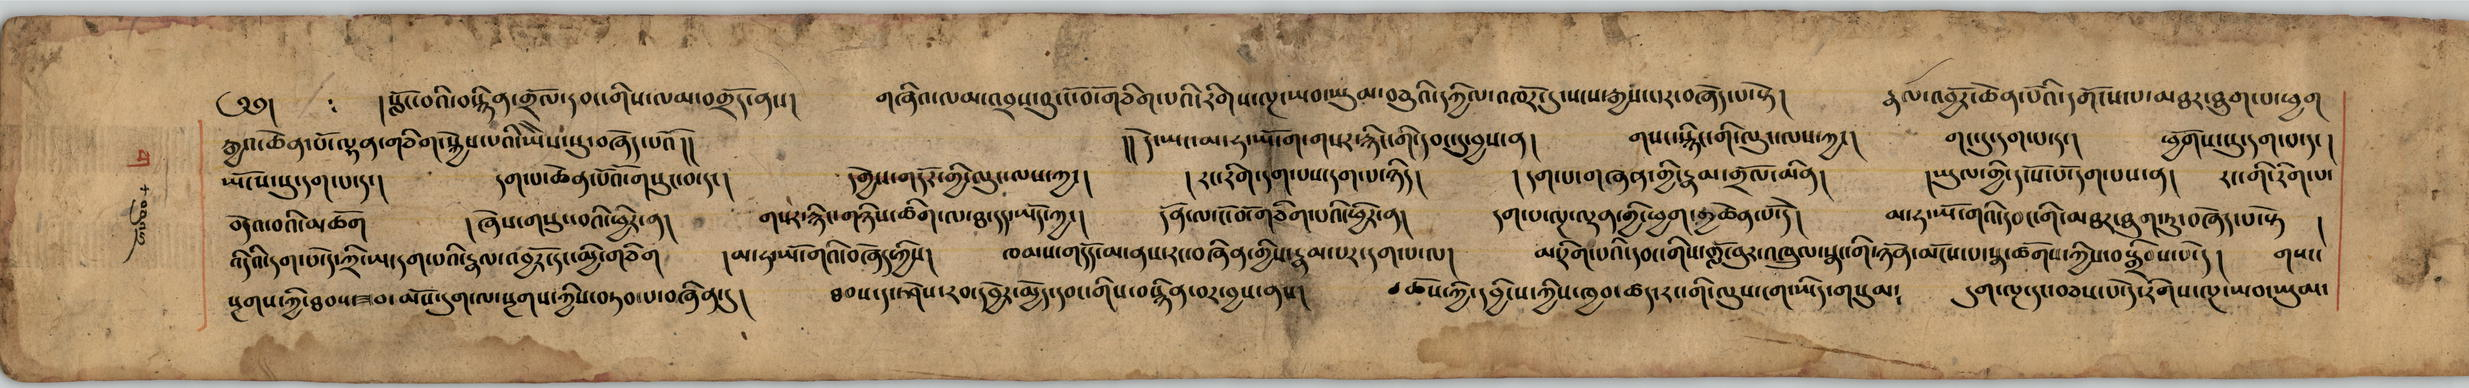༄༅། །སློང་བའི་བསྙིན་གྲོལ་དབང་གིས་ལམ་བགྲོད་ནས། གཞིའ་ལམ་འབྲས་བུ་ངོ་བོ་གཅིག་པའི་རིགས་ལྔ་ཡབ་ཡུམ་བཅུའི་དཀྱིལ་འཁོར་དུསངས་རྒྱས་པར་བཞེད་པ་སྟེ། རྣལ་འབྱོར་ཆེན་པོའི་དགོངས་པ་མཐར་ཐུག་པ་ཕྱག
རྒྱའ་ཆེན་པོ་ལྷན་གཅིག་སྐྱེས་པའི་ཡཻས་སུ་བཞེད་པའོ།། །།དེ་ཡང་མ་ཧ་ཡོ་ག་གསར་རྙིང་གི་དབང་དུ་བྱས་ན། གསང་སྙིང་གི་ལུང་ལས་ཀྱང། གང་དུ་དག་པ་དང། ཕྱོགས་སུ་དག་པ་དང།
ཡོངས་སུ་དག་པ་དང། དག་པ་ཆེན་པོའོ་གསུང་བ་དང། དགྱེས་གདོར་གྱི་ལུང་ལས་ཀྱང། །རང་རིག་དག་པས་དག་པ་ཉིད། །དག་པ་གཞན་གྱི་རྣམ་གྲོལ་མིན། །ཡུལ་གྱི་དངོས་པོ་དག་པས་ན། རང་གི་རིག་པ་
བདེའ་བའི་མཆོག །ཞེས་གསུང་བའི་ཕྱིར་ན། གསར་རྙིང་གཉིས་ཚིག་ལ་ཐ་དད་ཡོད་ཀྱང། དོན་ལ་ངོ་བོ་གཅིག་པའི་ཕྱིར་ན། དག་པ་ལྔ་ལྡན་གྱི་ཕྱག་རྒྱ་ཆེན་པོ་དེ། མ་ཧ་ཡོ་གའི་དབང་གི་མཐར་ཐུག་ཏུ་བཞེད་པ་སྟེ
འདིའི་དག་པ་དེ་ཀྱི་ཡ་དག་པའི་རྣལ་འབྱོར་དང་མྱི་གཅིག །མ་ཧ་ཡོ་གའི་བཞེད་ཀྱིས། ཁམས་གདོད་མ་ནས་རང་བཞིན་གྱིས་རྣམ་པར་དག་པ་ལ། མ་རིག་པའི་དབང་གིས་གློ་བུར་འཁྲུལ་སྣང་གི་ཉོན་མོངས་པ་སྣ་ཚོགས་ཀྱིས་བསྒྲིབས་པ་དེ། གསང་
སྔགས་ཀྱི་ཐབས་ཟབ་མོས་དུག་ལ་སྔགས་ཀྱིས་བཏབ་པ་བཞིན་དུ། ཐབས་དང་ཤེས་རབ་དབྱེར་མྱེད་དབང་གིས་བསྙིན་བར་བྱས་ནས། ཆོས་ཀྱི་དབྱིངས་ཀྱིས་ཁྱབ་ཚད་རང་གི་ལུས་ངག་ཡིད་གསུམ༴ དུག་ལྔ་དང་བཅས་པ་དེ་རིགས་ལྔ་ཡབ་ཡུམ་